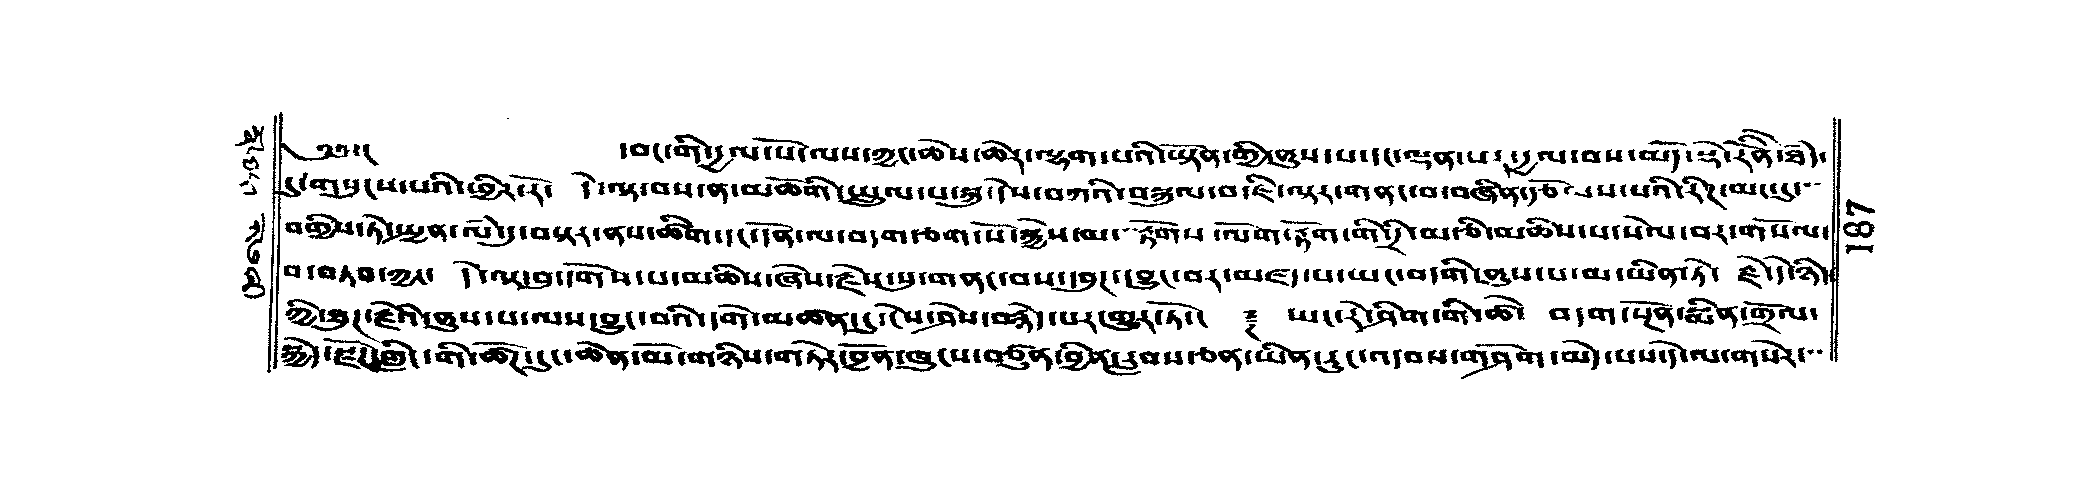དབང་གི་རྒྱལ་པོ་ལས་ཀྱང་ཆེས་ཆེར་ལྷག་པའི་ཡོན་ཏན་གྱི་ནུས་པ་དང་ལྡན་པར་རྒྱལ་བས་མདོ་སྡེ་རིན་པོ་ཆེ་ཐམས་ཅད་
དུ་གསུངས་པའི་ཕྱིར་རོ། དེ་ལྟ་བས་ན་མཆོག་གི་སྤྲུལ་པའི་སྐུ་དེས་བཀའི་བསྐུལ་བ་ཇི་ལྟར་གནང་བ་བཞིན་རྩོམ་པའི་རིགས་མང་དུ་
བགྱིས་ཏེ་སྤྱན་ལམ་དུ་བསྟར་ནས་ཚིག་དང་དོན་ལ་བདག་ཅག་སོ་སྐྱེའི་མ་རྟོགས་ལོག་རྟོག་གི་དྲི་མ་ཅི་མཆིས་པ་སེལ་བར་གསོལ་
བ་བཏབ་ཀྱང་། དེ་ལྟ་བུ་དགོས་པ་མ་མཆིས་ཞེས་རྗེས་སུ་གནང་བས་དབུགས་དབྱུང་བར་མཛད་པ་ཡང་བདག་གི་ནུས་པ་མ་ཡིན་ཏེ། རྗེ་དེ་ཉིད་
ཀྱི་ཐུགས་རྗེའི་ནུས་པ་ལས་བྱུང་བའི་དགེ་མཚན་དུ་ངེས་ཤེས་བརྙེད་པར་གྱུར་ཏོ། ༈ ཡང་རེ་ཤིག་གི་ཚེ། བདག་སྔོན་སྨིན་གྲོལ་
སྐྱེད་རྫོགས་གླིང་གི་ཚོགས་དུང་ཆེན་མོ་གཉིས་གཏེར་བྱོན་ཁུངས་བཙུན་བྱིན་རླབས་ཅན་ཡིན་རུང་འདབ་གཤོག་མེད་པས་དེ་ལ་གསེར་